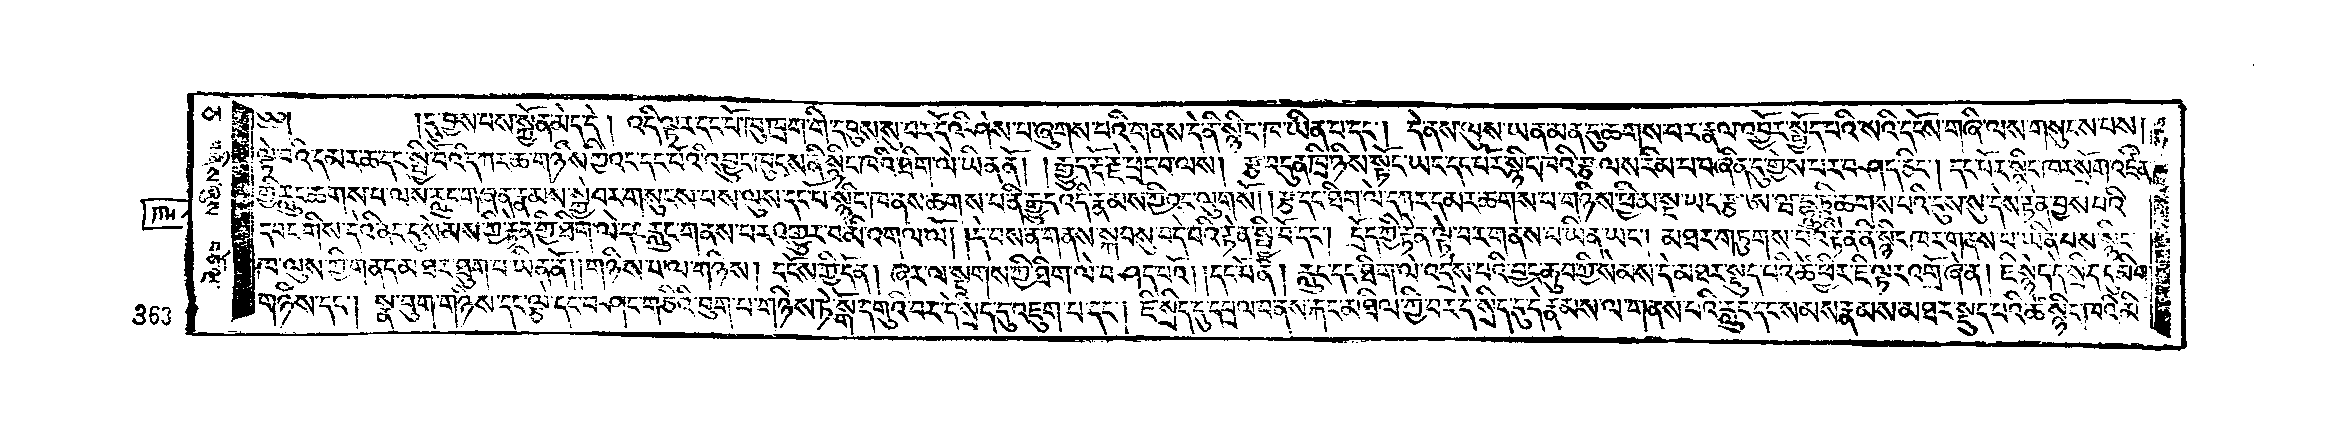༄༅། །དུ་བྱས་པས་སྐྱོན་མེད་དེ། འདི་ལྟར་དང་པོ་ཁུ་ཁྲག་གི་དབུས་སུ་བར་དོའི་ཤེས་པ་ཞུགས་པའི་གནས་དེ་ནི་སྙིང་ཁ་ཡིན་པ་དང་། དེ་ནས་ལུས་ཡན་མན་དུ་ཆགས་པར་རྣལ་འབྱོར་སྤྱོད་པའི་སའི་དངོས་གཞི་ལས་གསུངས་པས།
ལྟེ་བའི་དམར་ཆ་དང་སྤྱི་བོའི་དཀར་ཆ་གཉིས་ཀྱིའང་དང་པོའི་འབྱུང་ཁུངས་ནི་སྙིང་ཁའི་ཐིག་ལེ་ཡིན་ནོ། །རྒྱུད་རྡོ་རྗེ་ཕྲེང་བ་ལས། རྩ་བདུན་ཁྲི་ཉིས་སྟོང་ཡང་དང་པོར་སྙིང་ཁའི་རྩ་ལས་རིམ་པ་བཞིན་དུ་གྱེས་པར་བཤད་ཅིང་། དང་པོར་སྙིང་ཁར་སྲོག་འཛིན་
གྱི་རླུང་ཆགས་པ་ལས་རླུང་གཞན་རྣམས་སྐྱེ་བར་གསུངས་པས་ལུས་དང་པོ་སྙིང་ཁ་ནས་ཆགས་པ་ནི་རྒྱུད་འདི་རྣམས་ཀྱིའང་ལུགས་སོ། །རྩ་དང་ཐིག་ལེ་དཀར་དམར་ཆགས་པ་གཉིས་ཕྱི་མ་སྔ་ཡང་རྩ་ཨ་ཝ་དྷཱུ་ཏཱི་ཆགས་པའི་དུས་སུ་དེས་རྟེན་བྱས་པའི་
དབང་གིས་དེའི་ནང་དུ་སེམས་ཀྱི་རྟེན་གྱི་ཐིག་ལེ་དང་རླུང་གནས་པར་འགྱུར་བ་མི་འགལ་ལོ། །དེ་བས་ན་གནས་སྐབས་སུ་བདེ་བའི་རྟེན་སྤྱི་བོ་དང་། དྲོད་ཀྱི་རྟེན་ལྟེ་བར་གནས་པ་ཡིན་ཡང་། མཐར་གཏུགས་པའི་རྟེན་ནི་སྙིང་ཁར་གནས་པ་ཡིན་པས་སྙིང་
ཁ་ལུས་ཀྱི་གནད་མཐར་ཐུག་པ་ཡིན་ནོ། །གཉིས་པ་ལ་གཉིས། དངོས་ཀྱི་དོན། ཞར་ལ་སྔགས་ཀྱི་ཐིག་ལེ་བཤད་པའོ། །དང་པོ་ནི། རླུང་དང་ཐིག་ལེ་འདྲས་པའི་བྱང་ཆུབ་ཀྱི་སེམས་དེ་མཐར་སྡུད་པའི་ཚེ་ཕྱིར་ཇི་ལྟར་འགྲོ་ཞེ་ན། ཇི་སྙེད་དེ་སྲིད་དུ་མིག་
གཉིས་དང་། སྣ་བུག་གཉིས་དང་ལྕེ་དང་བཤད་གཅིའི་བུག་པ་གཉིས་ཏེ་སྒོ་དགུའི་བར་དེ་སྲིད་དུ་འཇུག་པ་དང་། ཇི་སྲིད་དུ་དཔྲལ་བ་ནས་རྐང་མཐིལ་གྱི་བར་དེ་སྲིད་དུ་དེ་རྣམས་ལ་གནས་པའི་རླུང་དང་སེམས་རྣམས་མཐར་སྡུད་པའི་ཚེ་སྙིང་ཁའི་མི་